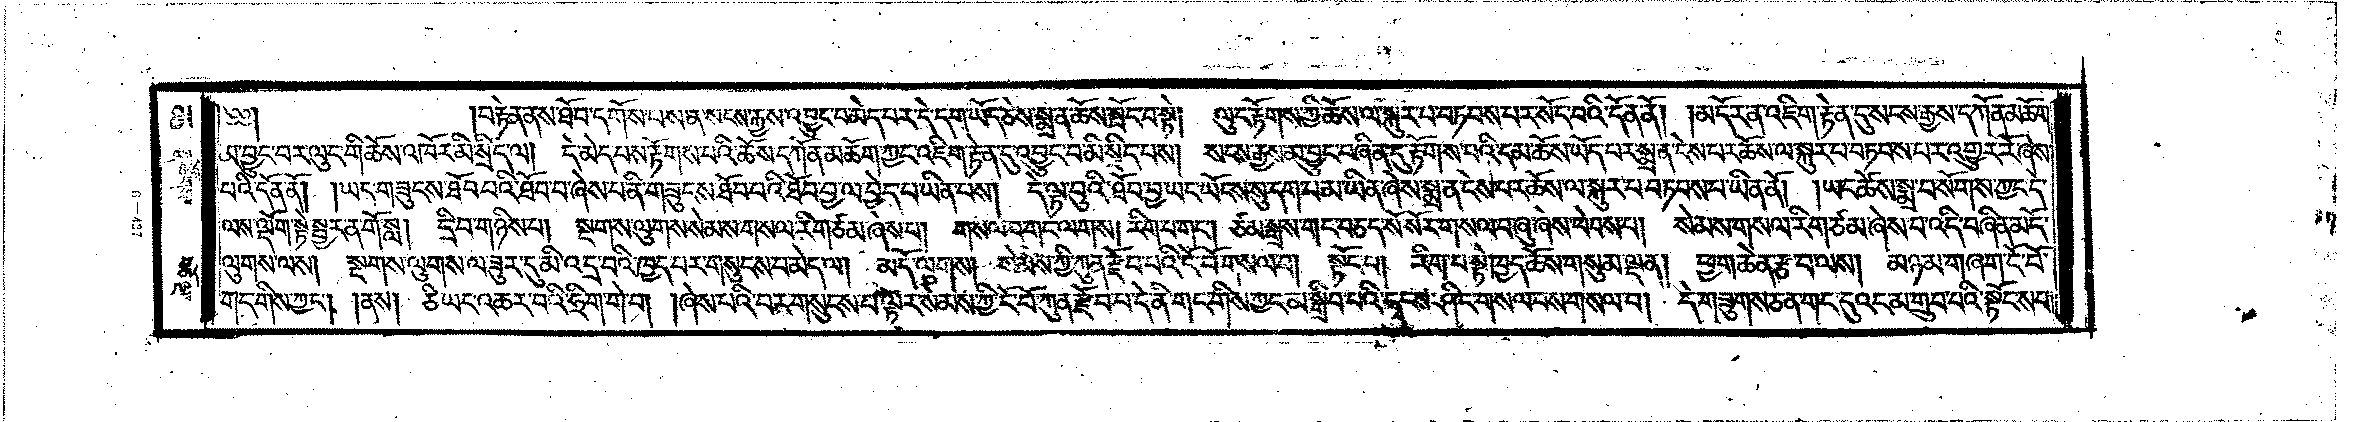༄༅། །བརྟེན་ནས་ཐོབ་དགོས་པས་ན་སངས་རྒྱས་འབྱུང་བ་མེད་པར་དེ་དག་ཡོད་ཅེས་སྨྲ་ན་ཆོས་སྤོང་བ་སྟེ། ལུང་རྟོགས་ཀྱི་ཆོས་ལ་སྐུར་པ་བཏབས་པར་སོང་བའི་དོན་ནོ། །མདོར་ན་འཇིག་རྟེན་དུ་སངས་རྒྱས་དཀོན་མཆོག་
མ་བྱུང་བར་ལུང་གི་ཆོས་འཁོར་མི་སྲིད་ལ། དེ་མེད་པས་རྟགས་པའི་ཆོས་དཀོན་མཆོག་ཀྱང་འཇིག་རྟེན་དུ་འབྱུང་བ་མི་སྲིད་པས། སངས་རྒྱས་མ་བྱུང་བཞིན་དུ་རྟོགས་པའི་དམ་ཆོས་ཡོད་པར་སྨྲན་ངེས་པར་ཆོས་ལ་སྐུར་པ་བཏབས་པར་འགྱུར་རོ་ཞེས་
པའི་དོན་ནོ། །ཡང་གཟུངས་ཐོབ་པའི་ཐོབ་པ་ཞེས་པ་ནི་གཟུངས་ཐོབ་པའི་ཐོབ་བྱ་ལ་བྱེད་པ་ཡིན་པས། དེ་ལྟ་བུའི་ཐོབ་བྱ་ཡང་ཡོངས་སུ་དག་པ་མ་ཡིན་ཞེས་སྨྲ་ན་ངེས་པར་ཆོས་ལ་སྐུར་པ་བཏབས་པ་ཡིན་ནོ། །ཡང་ཚེས་སྨྲ་བ་སོགས་ཀྱང་དེ་
ལས་ལྡོག་སྟེ་སྦྱར་ན་གོ་སླ། དྲིབ་གཉིས་པ། སྔགས་ལུགས་སེམས་གསལ་རིག་ཙམ་ཞེས་པ། གསལ་བ་གང་ལགས། རིག་པ་གང་། ཙམ་སྒྲས་གང་བཅད་སོ་སོར་གསལ་བ་ཞུ་ཞེས་ཕེབས་པ། སེམས་གསལ་རིག་ཙམ་ཞེས་བ་འདི་བཞིན་མདོ་
ལུགས་ལས། སྔགས་ལུགས་ལ་ཟུར་དུ་མི་འདྲ་བའི་ཁྱད་པར་གསུངས་པ་མེད་ལ། མདོ་ལགས། སེམས་ཀྱི་ཀུན་རྫོབ་པའི་ངོ་བོ་གསལ་བ། སྟོང་པ། རིགས་པ་སྟེ་ཁྱད་ཆོས་གསུམ་ལྡན། ཕྱག་ཆེན་རྩ་བ་ལས། མཉམ་གཞག་ངོ་བོ་
གང་གིས་ཀྱང་། །ནས། ཅི་ཡང་འཆར་བའི་ཧྲིག་གེ་བ། །ཞེས་པའི་བར་གསུངས་པ་ལྟར་སེམས་ཀྱི་ངོ་བོ་ཀུན་རྫོབ་པ་དེ་ནི་གང་གིས་ཀྱང་མ་སྒྲིབ་པའི་དྭངས་ཤིང་གསལ་བས་གསལ་བ། དེ་གཟུགས་ཅན་གང་དུའང་མ་གྲུབ་པའི་སྟོངས་པ།།